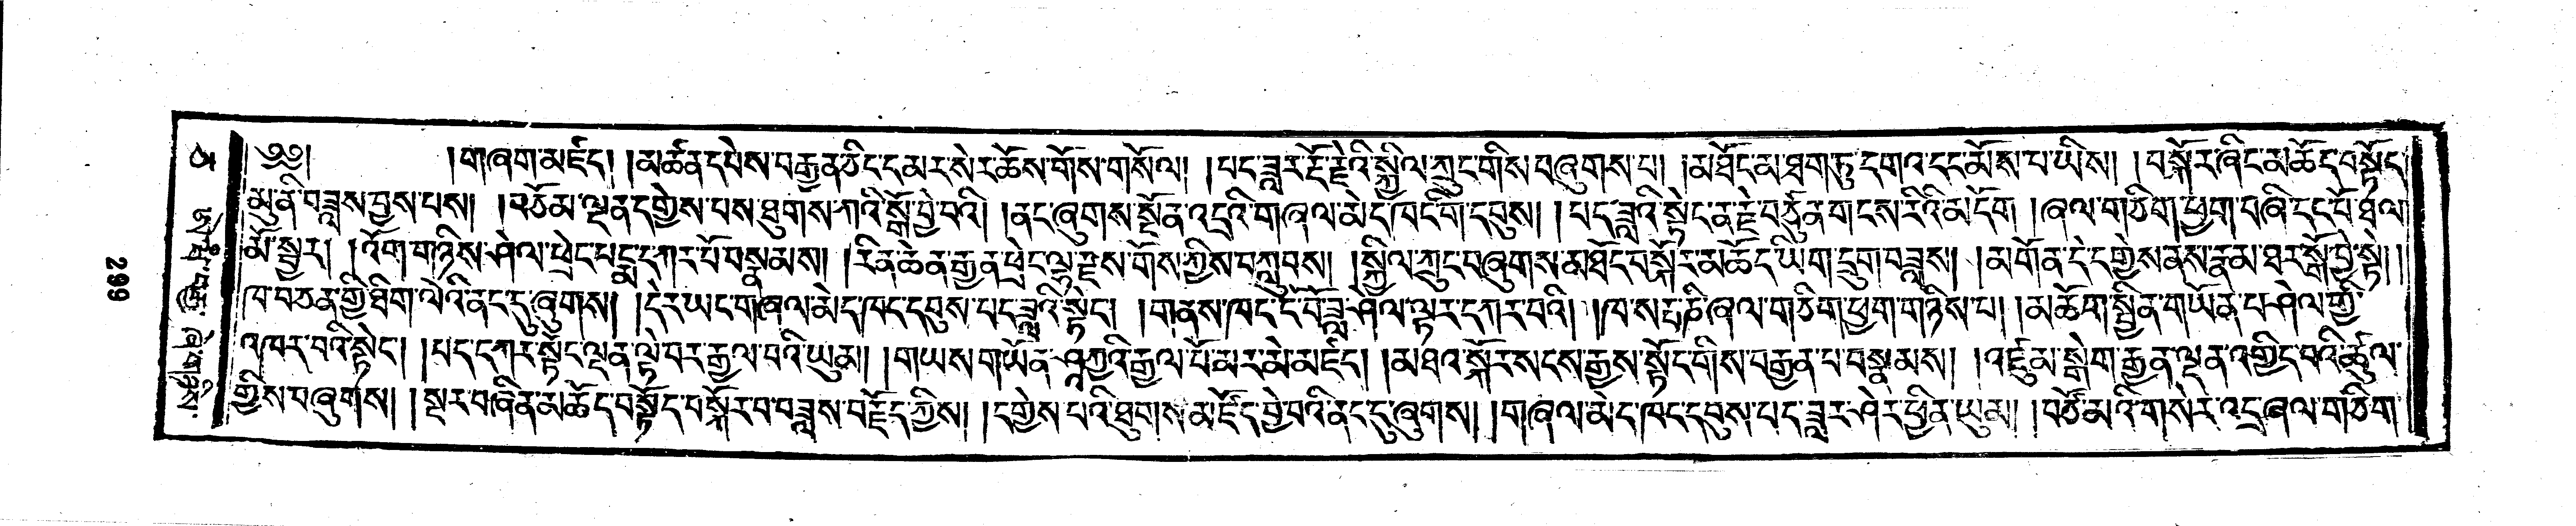༄༅། །གཞག་མཛད། །མཚན་དཔེས་བརྒྱན་ཅིང་དམར་སེར་ཆོས་གོས་གསོལ། །པད་ཟླར་རྡོ་རྗེའི་སྐྱིལ་ཀྲུང་གིས་བཞུགས་པ། །མཐོང་མ་ཐག་ཏུ་དགའ་དང་མོས་པ་ཡིས། །བསྐོར་ཞིང་མཆོད་བསྟོད་
མུ་ནི་བཟླས་བྱས་པས། །བཅོམ་ལྡན་དགྱེས་པས་ཐུགས་ཀའི་སྒོ་བྱེ་བའི། །ནང་ཞུགས་སྔོན་འདྲའི་གཞལ་མེད་ཁང་གི་དབུས། །པད་ཟླའི་སྟེང་ན་རྗེ་བཙུན་གངས་རིའི་མདོག །ཞལ་གཅིག་ཕྱག་བཞི་དང་པོ་ཐལ་
མོ་སྦྱར། །འོག་གཉིས་ཤེལ་ཕྲེང་པདམ་དཀར་པོ་བསྣམས། །རིན་ཆེན་རྒྱན་ཕྲེང་ལྷ་རྫས་གོས་ཀྱིས་བཀླུབས། །སྐྱིལ་ཀྲུང་བཞུགས་མཐོང་བསྐོར་མཆོད་ཡིག་དྲུག་བཟླས། །མགོན་དེ་དགྱེས་ནས་རྣམ་ཐར་སྒོ་བྱེ་སྟེ། །
ཁ་བ་ཅན་གྱི་ཐིག་ལེའི་ནང་དུ་ཞུགས། །དེར་ཡང་གཞལ་མེད་ཁང་དབུས་པད་ཟླའི་སྟེང་། །གནས་ཁང་ངོ་བོ་ཟླ་ཤེལ་ལྟར་དཀར་བའི། །ཁ་སརྦ་ཎི་ཞལ་གཅིག་ཕྱག་གཉིས་པ། །མཆོག་སྦྱིན་གཡོན་པ་ཤེལ་གྱི་
འཁར་བའི་སྟེང་། །པད་དཀར་སྟོང་ལྡན་ལྟེ་བར་རྒྱལ་བའི་ཡུམ། །གཡས་གཡོན་ཤཱཀྱའི་རྒྱལ་པོ་མར་མེ་མཛད། །མཐའ་སྐོར་སངས་རྒྱས་སྟོང་གིས་བརྒྱན་པ་བསྣམས། །འཛུམ་སྒེག་རྒྱན་ལྡན་འགྱིང་བའི་ཚུལ་
གྱིས་བཞུགས། །སྔར་བཞིན་མཆོད་བསྟོད་བསྐོར་བ་བཟླས་བརྗོད་ཀྱིས། །དགྱེས་པའི་ཐུགས་མཛོད་བྱེ་བའི་ནང་དུ་ཞུགས། །གཞལ་མེད་ཁང་དབུས་པད་ཟླར་ཤེར་ཕྱིན་ཡུམ། །བཙོ་མའི་གསེར་འདྲ་ཞལ་གཅིག་